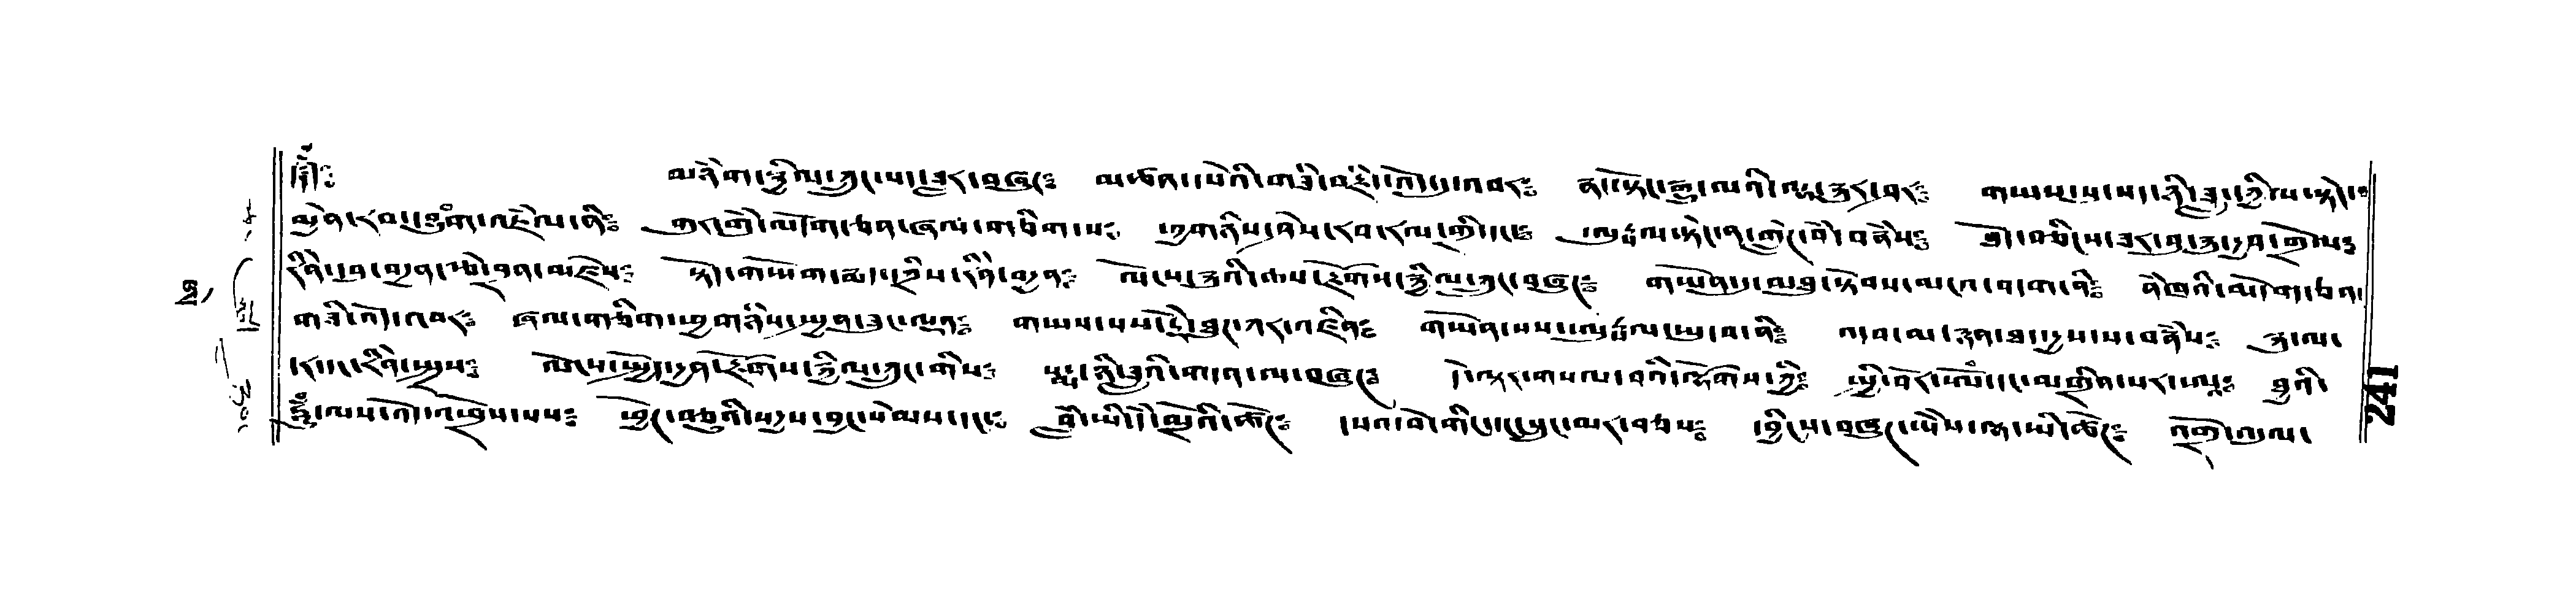མཉམ་གཞག་སྐྱིལ་ཀྲུང་པད་ཟླར་བཞུགས༔ མཚན་དཔེའི་གཟི་བརྗིད་འོད་དུ་འབར༔ སྣང་སྟོང་སྒྱུ་མའི་ལྷ་སྐུར་ཤར༔ གཡས་སུ་པད་ཉི་ཟླ་དཀྱིལ་སྟེང༔ 
མཁྱེན་རབ་དབང་ཕྱུག་འཇམ་དཔལ་ནི༔ གུར་གུམ་མདོག་ཅན་ཞལ་གཅིག་པ༔ ཕྱག་གཉིས་ཤེས་རབ་རལ་གྲི་དང༔ ཨུཏྤལ་སྟེང་ན་གླེགས་བམ་བསྣམས༔ ཐོད་བཅིངས་ཟར་བུ་སྐུ་རྒྱབ་གྲོལ༔ 
རིན་ཆེན་དབུ་བརྒྱན་རྩེ་བྲན་མཛེས༔ སྟོད་གཡོག་སྨད་དཀྲིས་རིན་ཆེན་བརྒྱན༔ ལོངས་སྐུའི་ཆས་རྫོགས་སྐྱིལ་ཀྲུང་བཞུགས༔ གཡོན་དུ་མཐུ་སྟོབས་མངའ་བདག་ནི༔ ནམ་མཁའི་མདོག་ཅན་
གཟི་འོད་འབར༔ ཞལ་གཅིག་ཕྱག་གཉིས་སྤྱན་ཟུང་ལྡན༔ གཡས་པས་རྡོ་རྗེ་ཐུགས་ཀར་འཛིན་༔ གཡོན་པས་ཨུཏྤལ་ཡུ་བ་ནི༔ འདབ་མ་སྙན་ཐད་རྒྱས་པ་བསྣམས༔ སྐུ་ལ་
དར་དང་རིན་ཆེན་སྤྲས༔ ལོངས་སྤྱོད་རྒྱན་རྫོགས་སྐྱིལ་ཀྲུང་གིས༔ པདྨ་ཉི་ཟླའི་གདན་ལ་བཞུགས༔ དེ་ལྟར་གསལ་བའི་ལྷ་ཚོགས་ཀྱི༔ སྤྱི་བོར་ཨོཾ་དང་མགྲིན་པར་ཨཱཿ ཐུགས་ཀའི་
ཧཱུྃ་ལས་འོད་འཕྲོས་པས༔ ཕྱོགས་བཅུའི་སངས་རྒྱས་བྱང་སེམས་དང༔ བླ་མ་ཡི་དམ་མཁའ་འགྲོའི་ཚོགས༔ དཔའ་བོ་གིང་དང་སྲུང་མར་བཅས༔ དབྱིངས་བཞུགས་ཡེ་ཤེས་ལྷ་ཡི་ཚོགས༔ འགྲོ་འདུལ་